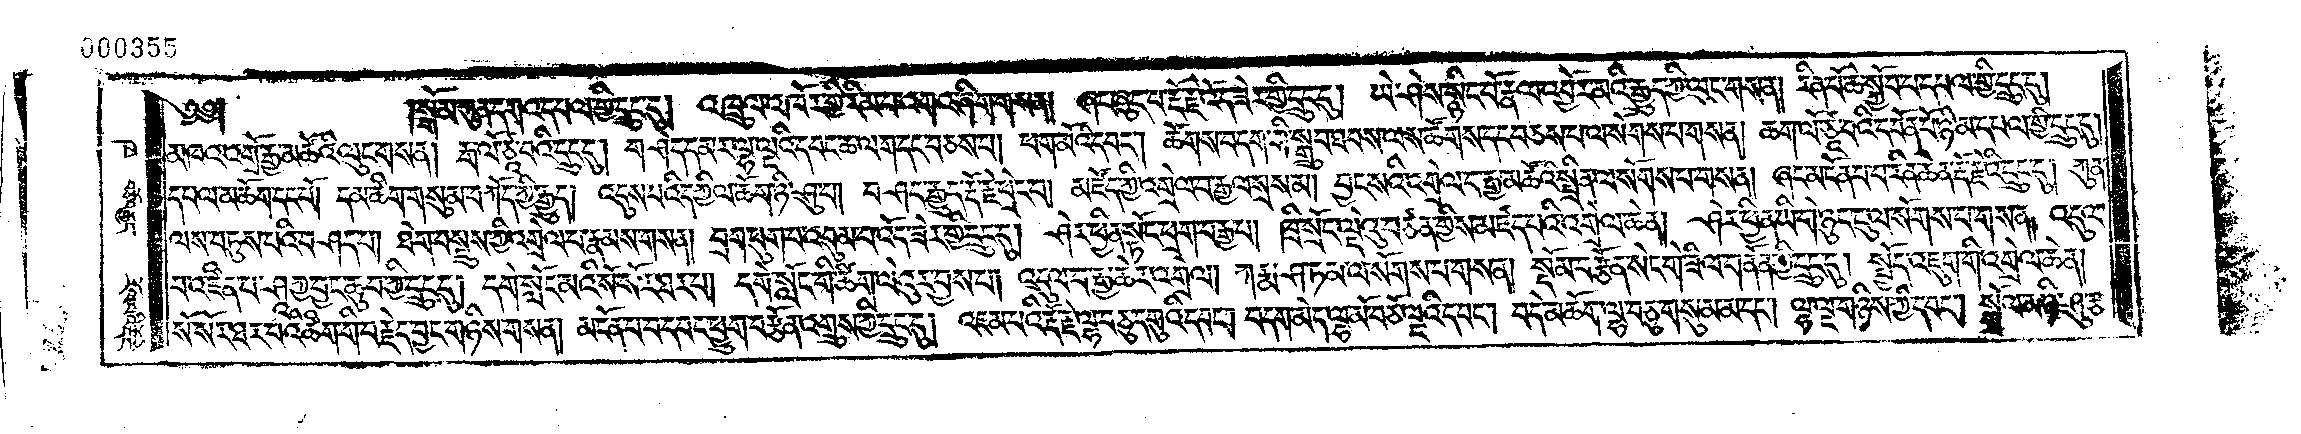༄༅། །སྒོམ་ཀུན་དགའ་དཔལ་གྱི་དྲུང་དུ། འཁྲུལ་འཁོར་གྱི་རིམ་པ་འགའ་ཞིག་གསན། ཞང་ཞུང་པ་རྡོ་རྗེ་འོད་ཟེར་གྱི་དྲུང་དུ། ཡེ་ཤེས་སྙིང་པོ་རྣལ་འབྱོར་མའི་རྒྱུད་ཀྱི་ལུང་གསན། རིན་པོ་ཆེ་སྐྱོབ་པ་དཔལ་གྱི་དྲུང་དུ།
མཁའ་འགྲོ་རྒྱ་མཚོའི་ལུང་གསན། རྒ་ལོ་ཙཱ་པའི་དྲུང་དུ། གཤེད་དམར་ལྷ་ལྔའི་དབང་ཆ་ལག་དང་བཅས་པ། ཕག་མོའི་དབང་། ཚོགས་བདག་གི་སྒྲུབ་ཐབས་ལས་ཚོགས་དང་བཅས་པ་ལ་སོགས་པ་གསན། ཆག་ལོ་ཙཱ་པའི་དཔོན་པོ་ཉི་མ་དཔལ་གྱི་དྲུང་དུ།
དཔལ་མཆོག་དང་པོ། དམ་ཚིག་གསུམ་བཀོད་ཀྱི་རྒྱུད། འདུས་པའི་དཀྱིལ་ཆོག་ཉི་ཤུ་པ། བཤད་རྒྱུད་རྡོ་རྗེ་ཕྲེང་བ། མཛོད་ཀྱི་འགྲེལ་བ་རྒྱལ་སྲས་མ། བྱང་སའི་འགྲེལ་བ་རྒྱ་མཚོའི་སྤྲིན་ལ་སོགས་པ་གསན། ཞང་མངོན་བ་བ་རིན་ཆེན་རྡོ་རྗེའི་དྲུང་དུ། ཀུན་
ལས་བཏུས་པའི་བཤད་པ། ཐེག་བསྡུས་ཀྱི་འགྲེལ་པ་རྣམས་གསན། བྲག་ཕུག་བ་འབུམ་པ་འོད་ཟེར་གྱི་དྲུང་དུ། ཤེར་ཕྱིན་སྟོང་ཕྲག་བརྒྱ་པ། ཁྲི་སྲོང་ལྡེའུ་བཙན་གྱིས་མཛད་པའི་འགྲེལ་ཆེན། ཤེར་ཕྱིན་ཡི་གེ་ཉུང་དུ་ལ་སོགས་པ་གསན། འདུལ་
བ་འཛིན་བ་ཤཱཀྱ་བྱང་ཆུབ་ཀྱི་དྲུང་དུ། དགེ་སློང་མའི་སོ་སོར་ཐར་པ། དགེ་སློང་གི་ཚིག་ལེའུར་བྱས་པ། འདུལ་བ་རྒྱ་ཆེར་འགྲེལ། ཀརྨ་ཤ་ཏམ་ལ་སོགས་པ་གསན། སྡོམ་བརྩོན་སེང་གེའི་ལ་གནོན་གྱི་དྲུང་དུ། སྤྱོད་འཇུག་གི་འགྲེལ་ཆེན།
སོ་སོར་ཐར་པའི་ཚིག་གི་བརྗེད་བྱང་གཉིས་གསན། མངོན་པར་དབང་ཕྱུག་བརྩོན་འགྲུས་ཀྱི་དྲུང་དུ། འཇམ་པའི་རྡོ་རྗེ་ལྷ་བཅུ་དགུའི་དབང་། བདག་མེད་ལྷ་མོ་བཅོ་ལྔའི་དབང་། བདེ་མཆོག་ལྷ་བཅུ་གསུམ་མ་དང་། ལྷ་ལྔ་གཉིས་ཀྱི་དབང་། སྒྲོལ་མ་ཉི་ཤུ་རྩ་